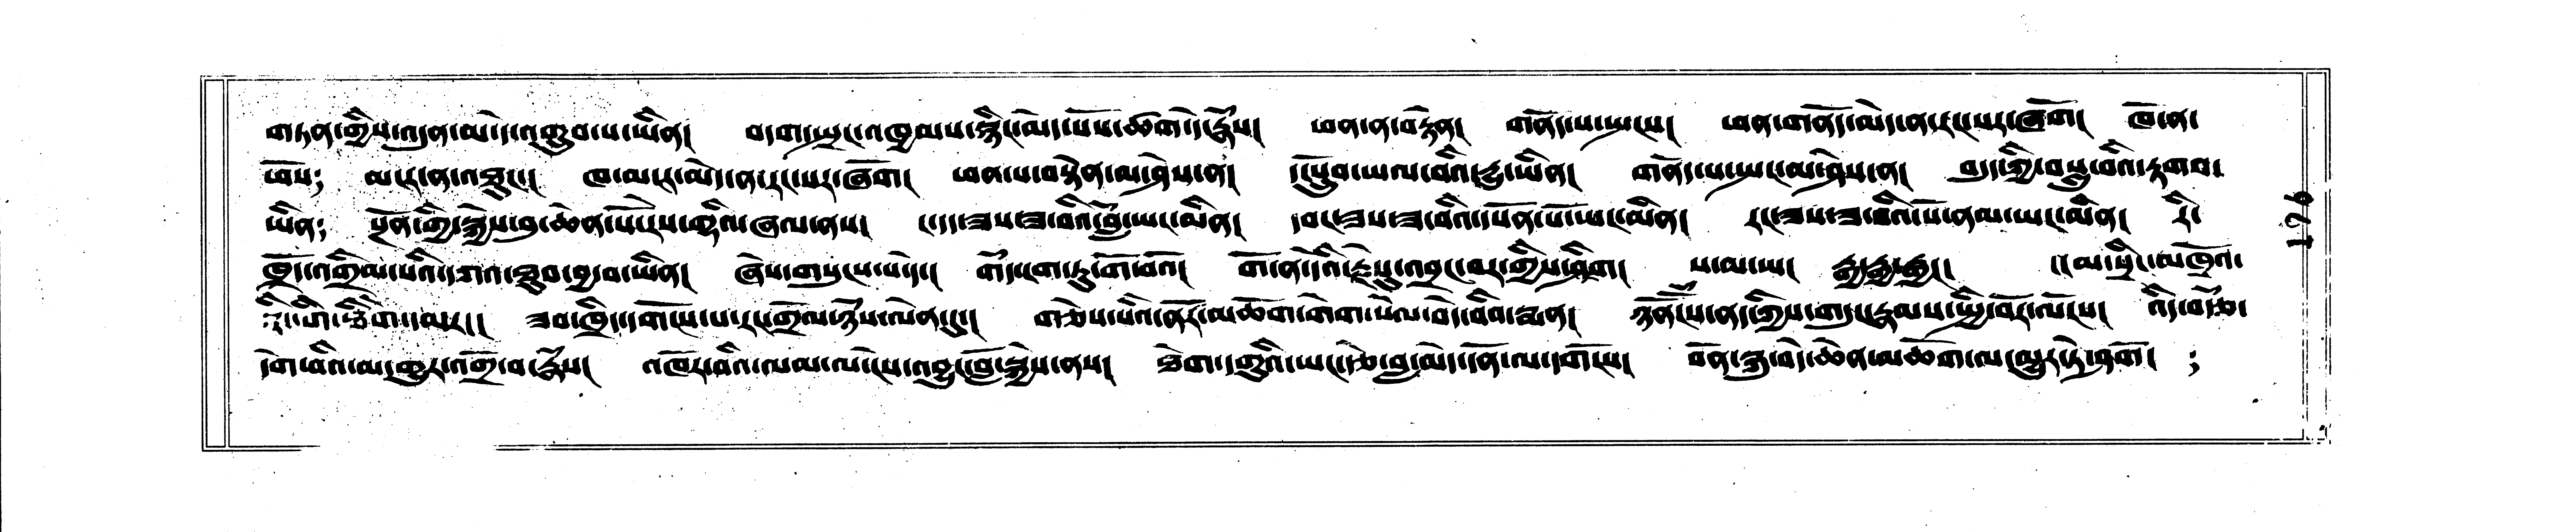གཏན་གྱི་འདུན་མ་དེ་འགྲུབ་པ་ཡིན། བདག་སྤྲང་འཁྱམས་སྙིང་མེད་པོས་ཚིག་དེ་རྣམས། ཕན་ན་བསྟེན། གནོད་ན་སྤོངས། ཕན་གནོད་མེད་ན་རང་སར་ཞོག ཁ་ན་
ཕོས། མངར་ན་འཐུང་། ཁ་མངར་མེད་ན་རང་སར་ཞོག ཕན་པ་བསྟེན་མ་ཤེས་ན། དངོས་གྲུབ་ཡལ་བའི་རྒྱུ་ཡིན། གནོད་པ་སྤངས་མ་ཤེས་ན་བདུད་ཀྱིས་བསླུ་བའི་རྟགས་
ཡིན། སྔོན་གྱི་སྐྱེས་བུ་ཆེན་པོ་རེས་འགའི་ཞལ་ནས། ང་དད་ཟས་ཟ་བའི་བླ་མ་ཡང་མིན། དབང་ཟས་ཟ་བའི་དཔོན་པོ་ཡང་མིན། རི་
ཁྲོད་འགྲིམས་པའི་དཀའ་ཐུབ་བྱ་བ་ཡིན་ཞེས་གསུངས་པ་དེ་གདམས་ངག་ཏུ་གོའམ། གོ་ན་དེའི་རྗེས་སུ་འབྲང་བར་གྱིས་ཤིག །ས་མ་ཡ་རྒྱ་རྒྱ་རྒྱ། མ་སྲིང་མཁའ་འགྲོའི་
སྙིང་གི་ཐིག་ལེ་དམར། །ཟབ་ཁྲིད་དགོངས་པ་རང་གྲོལ་ཉམས་ལེན་དུ། །གཅེས་པའི་ནོར་མཆོག་གེག་སེལ་བདེ་བའི་སྨན། །ཉོན་མོངས་ནད་ཀྱིས་གདུང་རྣམས་སྤྱི་བོར་ལོངས། །འདི་བརྩམས་
དགེ་བས་མ་གྱུར་འགྲོ་བ་རྣམས། །འཁོར་བའི་ལམ་ལ་ངེས་འབྱུང་བློ་སྐྱེས་ནས། །ཐེག་དགུའི་ཡང་རྩེ་བླ་མེད་དོན་ལ་དགོངས། །བོན་སྐུ་བདེ་ཆེན་མཆོག་ལ་མྱུར་ཏེ་ཤོག། །།